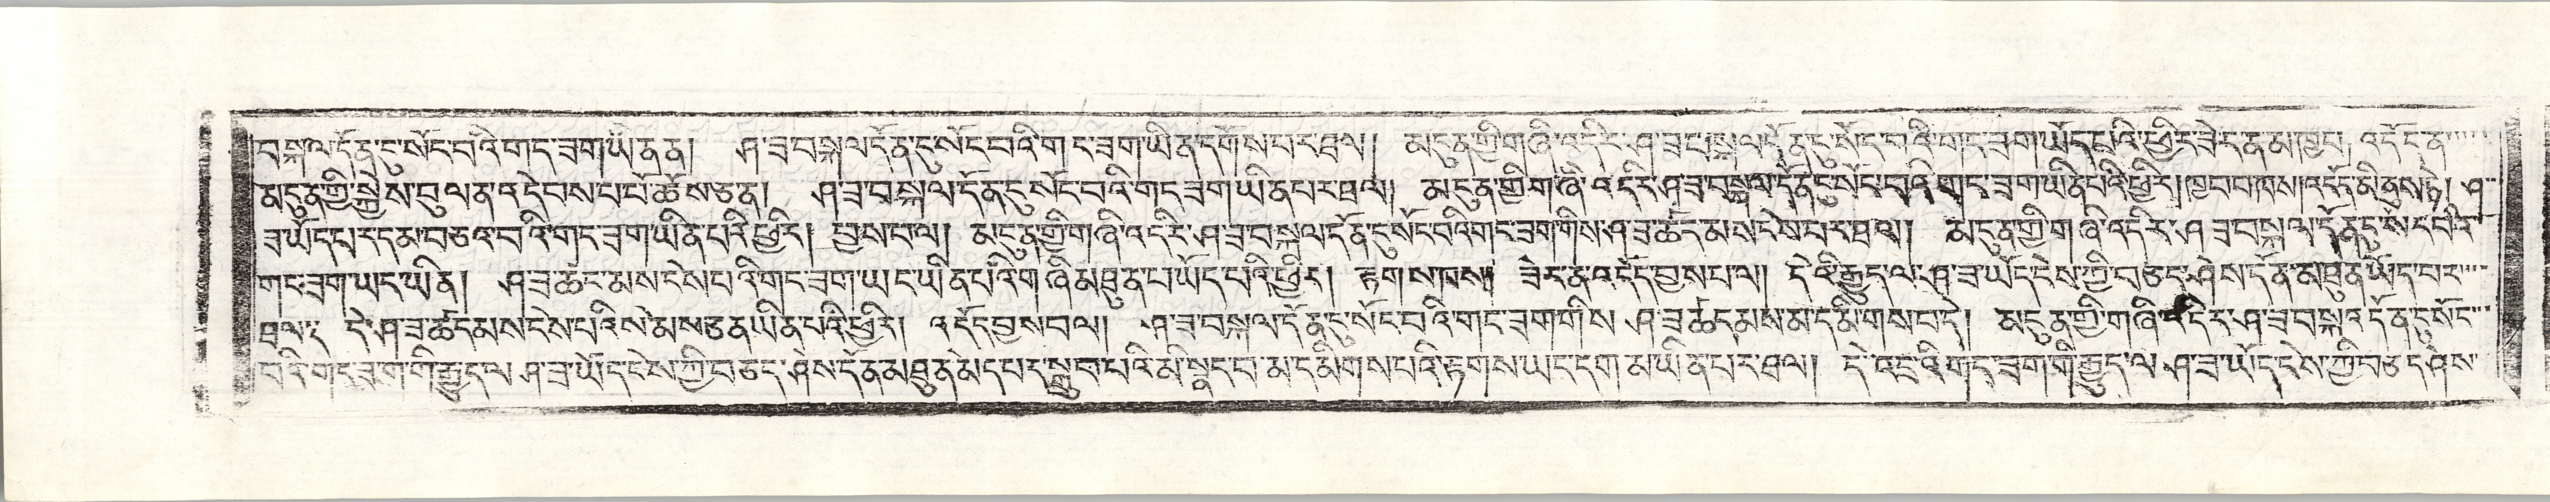བསྐལ་དོན་དུ་སོང་བའི་གང་ཟག་ཡིན་ན། ཤ་ཟ་བསྐལ་དོན་དུ་སོང་བའི་གང་ཟག་ཡིན་དགོས་པར་ཐལ། མདུན་གྱི་གཞི་འདིར་ཤ་ཟ་བསྐལ་དོན་དུ་སོང་བའི་གང་ཟག་ཡོད་པའི་ཕྱིར་ཟེར་ན་མ་ཁྱབ། འདོད་ན།
མདུན་གྱི་སྐྱེས་བུ་ལན་འདེབས་པ་བོ་ཆོས་ཅན། ཤ་ཟ་བསྐལ་དོན་དུ་སོང་བའི་གང་ཟག་ཡིན་པར་ཐལ། མདུན་གྱི་གཞི་འདིར་ཤ་ཟ་བསྐལ་དོན་དུ་སོང་བའི་གང་ཟག་ཡིན་པའི་ཕྱིར། ཁྱབ་པ་ཁས་འདོད་མི་ནུས་ཏེ། ཤ་
ཟ་ཡོད་པར་དམ་བཅའ་བའི་གང་ཟག་ཡིན་པའི་ཕྱིར། བྱས་པ་ལ། མདུན་གྱི་གཞི་འདིར་ཤ་ཟ་བསྐལ་དོན་དུ་སོང་བའི་གང་ཟག་གིས་ཤ་ཟ་ཚད་མས་ངེས་པར་ཐལ། མདུན་གྱི་གཞི་འདིར་ཤ་ཟ་བསྐལ་དོན་དུ་སོང་བའི་
གང་ཟག་ཡང་ཡིན། ཤ་ཟ་ཚད་མས་ངེས་པའི་གང་ཟག་ཡང་ཡིན་པའི་གཞི་མཐུན་པ་ཡོད་པའི་ཕྱིར། རྟགས་ཁས། ཟེར་ན་འདོད་བྱས་པ་ལ། དེའི་རྒྱུད་ལ་ཤ་ཟ་ཡོད་ངེས་ཀྱི་བཅད་ཤེས་དོན་མཐུན་ཡོད་པར་
ཐལ། དེ་ཤ་ཟ་ཚད་མས་ངེས་པའི་སེམས་ཅན་ཡིན་པའི་ཕྱིར། འདོད་བྱས་པ་ལ། ཤ་ཟ་བསྐལ་དོན་དུ་སོང་བའི་གང་ཟག་གིས་ཤ་ཟ་ཚད་མས་མ་དམིགས་པ་དེ། མདུན་གྱི་གཞི་འདིར་ཤ་ཟ་བསྐལ་དོན་དུ་སོང་
བའི་གང་ཟག་གི་རྒྱུད་ལ་ཤ་ཟ་ཡོད་ངེས་ཀྱི་བཅད་ཤེས་དོན་མཐུན་མེད་པར་སྒྲུབ་པའི་མི་སྣང་བ་མ་དམིགས་པའི་རྟགས་ཡང་དག་མ་ཡིན་པར་ཐལ། དེ་འདྲའི་གང་ཟག་གི་རྒྱུད་ལ་ཤ་ཟ་ཡོད་ངེས་ཀྱི་བཅད་ཤེས་